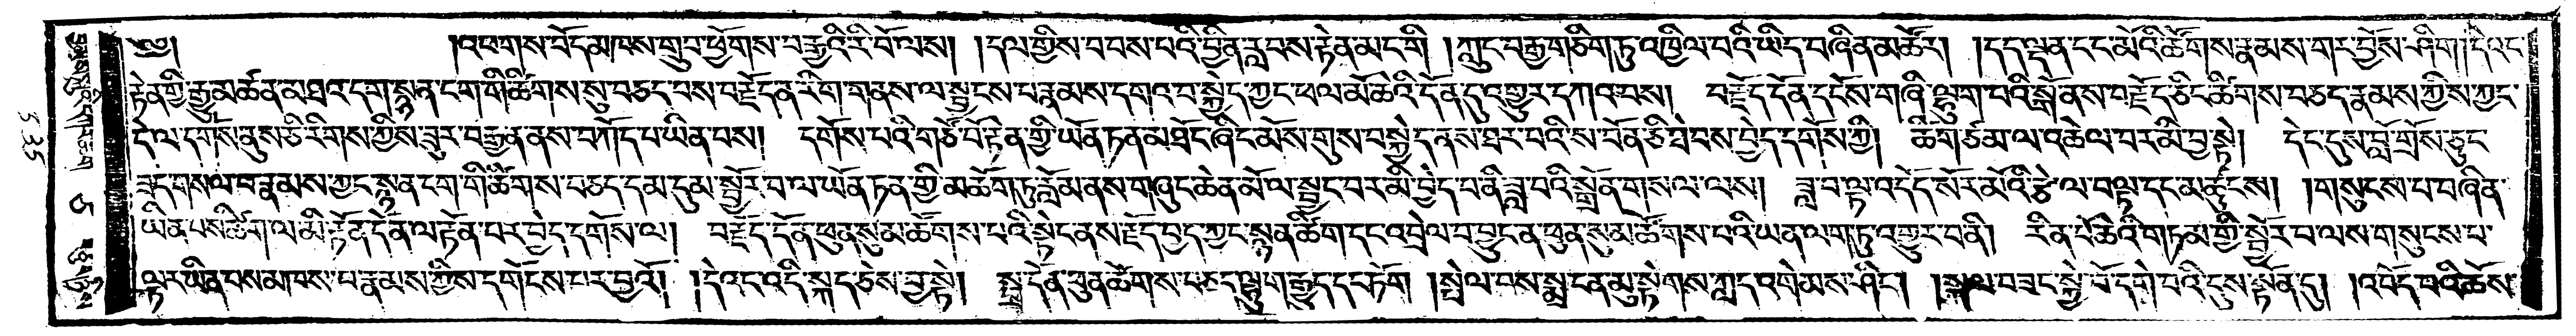༄༅། །འཕགས་བོད་མཁས་གྲུབ་ཕྱོགས་བརྒྱའི་རི་བོ་ལས། །དལ་གྱིས་བབས་པའི་བྱིན་རླབས་རྟེན་མང་གི །ཀླུང་བརྒྱ་གཅིག་ཏུ་འཁྱིལ་བའི་ཡིད་བཞིན་མཚོར། །དད་ལྡན་དང་མོའི་ཚོགས་རྣམས་གར་བྱོས་ཤིག །དེའང་
རྟེན་གྱི་རྒྱུ་མཚན་མཐའ་དག་སྙན་ངག་གི་ཚིགས་སུ་བཅད་བས་བརྗོད་ན་རིག་གནས་ལ་སྦྱངས་པ་རྣམས་དགའ་བ་སྐྱེད་ཀྱང་ཕལ་མོ་ཆེའི་དོན་དུ་འགྱུར་དཀའ་བས། བརྗོད་དོན་དངོས་གཞི་ལྷུག་པའི་སྒོ་ནས་བརྗོད་ཅིང་ཚིགས་བཅད་རྣམས་ཀྱིས་ཀྱང་
དེ་ལ་དགོས་ནུས་ཅི་རིགས་ཀྱིས་ཟུར་བརྒྱན་ནས་བཀོད་པ་ཡིན་པས། དགོས་པའི་གཙོ་བོ་རྟེན་གྱི་ཡོན་ཏན་མཐོང་ཞིང་མོས་གུས་བསྐྱེད་ནས་ཐར་བའི་ས་བོན་ཅི་ཐེབས་བྱེད་དགོས་ཀྱི། ཚིག་ཙམ་ལ་འཆེལ་བར་མི་བྱ་སྟེ། དེང་དུས་བློ་གྲོས་ཅུང་
ཟད་གསལ་བ་རྣམས་ཀྱང་སྙན་ངག་གི་ཚིགས་བཅད་དམ་དུམ་སྦྱོར་བ་ལ་ཡོན་ཏན་གྱི་མཆོག་ཏུ་རློམ་ནས་གཞུང་ཆེན་མོ་ལ་སྦྱང་བར་མི་བྱེད་པ་ནི་ཟླ་བའི་སྒྲོན་གསལ་ལས། ཟླ་བ་ལྟ་འདོད་སོར་མོའི་རྩེལ་བལྟ་དང་མཚུངས། །གསུངས་པ་བཞིན་
ཡིན་པས་ཚིག་ལ་མི་རྟོན་དོན་ལ་རྟོན་པར་བྱེད་དགོས་ལ། བརྗོད་དོན་ཕུན་སུམ་ཚོགས་པའི་སྟེང་ནས་རྗོད་བྱད་ཀྱང་སྙན་ཚིག་དང་འབྲེལ་བ་བྱུང་ན་ཕུན་སུམ་ཚོགས་པའི་ཡན་ལག་ཏུ་འགྱུར་བ་ནི། རིན་པོ་ཆེའི་གཏམ་གྱི་སྦྱོར་བ་ལས་གསུངས་པ་
ལྟར་ཡིན་བསམ་ཁས་པ་རྣམས་ཀྱིས་དགོངས་པར་བྱའོ། །དེའང་འདི་སྐད་ཅེས་བྱ་སྟེ། སྒྲ་དོན་ཕུན་ཚོགས་བཅད་ལྷུག་རྒྱུད་དང་ཏོག །སྤྲེལ་བས་སྨྲ་ངན་མུ་སྟེགས་ཀླད་འགེམས་ཤིང་། །སྐལ་བཟང་སྐྱེ་བོ་དགེ་བའི་དུས་སྟོན་དུ། །འབོད་པའི་ཆོས་